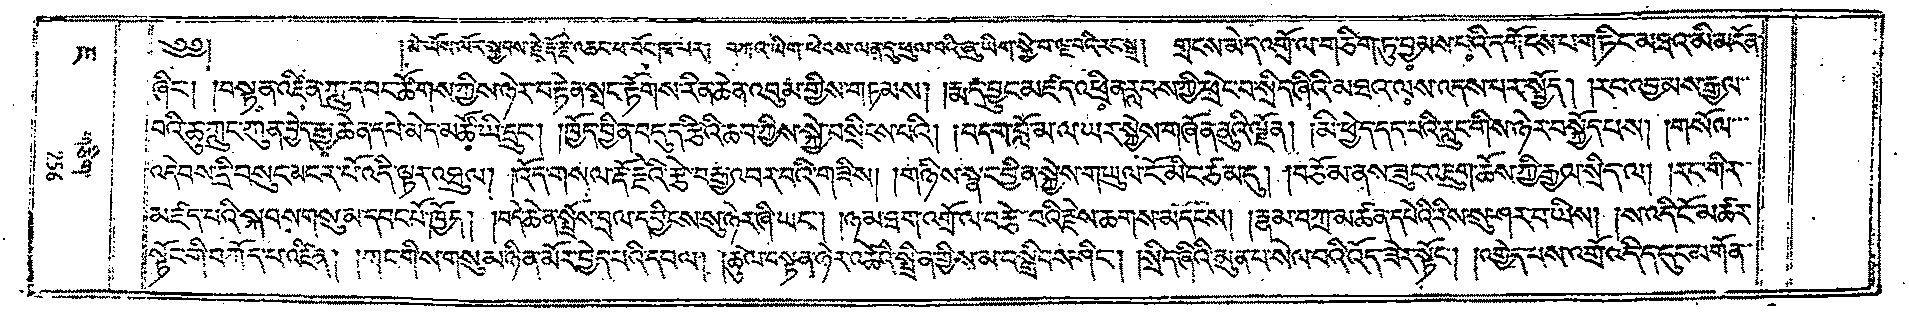༄༅། ། མེ་ཡོས་ལོར་སྐྱབས་རྗེ་རྡོ་རྗེ་འཆང་ཕ་བོང་ཁ་པར། བཀའ་ཡིག་ཕེབས་ལན་དུ་ཕུལ་བའི་ཞུ་ཡིག་སྐྱེ་བ་ལྔ་པའི་རང་སྒྲ།  གྲངས་མེད་འགྲོ་ལ་གཅིག་ཏུ་བྱམས྾་པའི྾་དགོངས་པ་གཏིང་མཐའ་མི་མངོན་
ཞིང་། །བསྟན྾་འཛིན྾་ཀླུ་དབང་ཚོགས་ཀྱིས་ཉེར་བརྟེན་སྤང་རྟོགས་རིན་ཆེན་འབུམ་གྱིས་གཏམས། །རྨད་བྱུང་མཛད་འཕྲིན྾་རླབས་ཀྱི་ཕྲེང་བ་སྲིད་ཞིའི་མཐའ་ལས྾་འདས་པར་སྤྱོད། །རབ་འབྱམས་རྒྱལ་
བའི་ཆུ་ཀླུང་ཀུན་བྱེད་རྒྱ྾་ཆེན་དཔེ་མེད་མཚོ྾་ཡི་དྲུང་། །ཁྱོད་བྱིན་བདུད་རྩིའི་ཆབ་ཀྱིས་སྐྱེ་བསྲིངས་པའི། །བདག་བློ་མ་ལ་ཡར་སྐྱེས་གཞོན་ནུའི་ལྗོན། །མི་ཕྱེད་དད་པའི་རླུང་གིས་ཉེར་བསྐྱོད་པས། །གསོལ་
འདེབས་དྲི་བསུང་མངར་པོ་འདི་ལྟར་འཐུལ། །འོད་གསལ་རྡོ་རྗེའི་རྩེ་བརྒྱ་འབར་བའི་གཟིས། །གཉིས་སྣང་བྱིན་སྐྱེས་གཡུལ་ངོ་མིང་ཙམ་དུ། །བཅོམ་ནས་ཟུང་འཇུག་ཆོས་ཀྱི་རྒྱལ་སྲིད་ལ། །རང་གིར་
མཛད་པའི་སྐབས་གསུམ་དབང་པོ་ཁྱོད། །བདེ་ཆེན་སྤྲོས་བྲལ་དབྱིངས་སུ་ཉེར་ཞི་ཡང་། །ཉམ་ཐག་འགྲོ་ལ་བརྩེ་བའི་རྗེས་ཆགས་མདངས། །རྣམ་བཀྲ་མཚན་དཔེའི་རིས་སུ་ཤར་བ་ཡིས། །ས་འདི་ངོ་མཚར་
སྟོང་གི་བཀོད་པ་འཛིན། །གང་གི་ས་གསུམ་ཉིན་མོར་བྱེད་པའི་དཔལ། །ཚུལ་བསྟན་ཉེར་འཚེའི་སྤྲིན་གྱིས་མ་བསྒྲིབས་ཤིང་། །སྲིད་ཞིའི་མུན་པ་སེལ་བའི་འོད་ཟེར་སྟོང་། །འགྱེད་པས་འགྲོ་འདི་ད་དུང་མགོན་